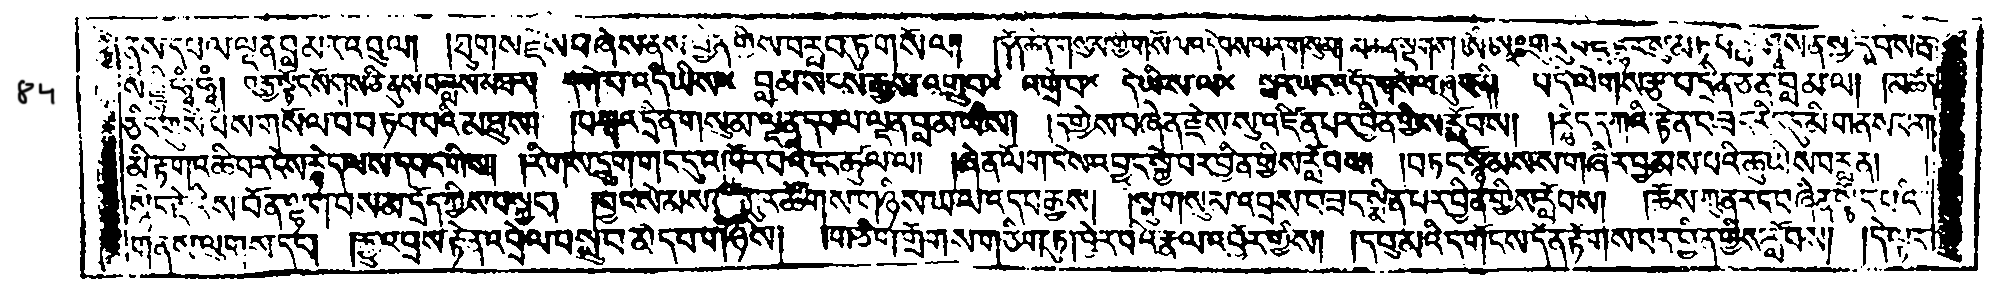ནས་དཔལ་ལྡན་བླ་མར་འབུལ། །ཐུགས་རྗེས་བཞེས་ནས་བྱིན་གྱིས་བརླབ་ཏུ་གསོལ། །དོན་ཆེན་གསུམ་གྱི་གསོལ་འདེབས་ལན་གསུམ། མཚན་སྔགས། ཨོཾ་ཨཱཿ གུ་རུ་བཛྲ་དྷ་ར་སུ་མ་ཏི་བོདྷི་ཤཱསན་སྱ་དཱི་བཾ་སརྦ་
སིདྡྷི་ཧཱུཾ་ཧཱུཾ། བརྒྱ་སྟོང་སོགས་ཅི་ནུས་བཟླས་མཐར། དགེ་བ་འདི་ཡིས་྾་བླ་མ་སངས་རྒྱས་འགྲུབ་྾་འགྲོ་བ་྾་དེ་ཡི་ས་ལ་྾་སླར་ཡང་འདོད་གསོལ་ཞུ་བ་ནི། བདེ་ལེགས་རྩ་བ་དྲིན་ཅན་བླ་མ་ལ། །མཆོད་
ཅིང་གུས་པས་གསོལ་བ་བཏབ་པའི་མཐུས། །བཀའ་དྲིན་གསུམ་ལྡན་དཔལ་ལྡན་བླ་མ་ཡིས། །དགྱེས་བཞིན་རྗེས་སུ་འཛིན་པར་བྱིན་གྱིས་རློབས། །རྙེད་དཀའི་རྟེན་བཟང་རིང་དུ་མི་གནས་པར། །
མི་རྟག་འཆི་བར་ངེས་རྙེད་ལས་དབང་གིས། །རིགས་དྲུག་གང་དུ་འཁོར་བའི་ངང་ཚུལ་ལ། །ཞེན་ལོག་ངེས་འབྱུང་སྐྱེ་བར་བྱིན་གྱིས་རློབས། །བཏང་སྙོམས་ས་གཞིར་བྱམས་པའི་ཆུ་ཡིས་བརླན། །
སྙིང་རྗེའི་ས་བོན་ལྷག་བསམ་དྲོད་ཀྱིས་བསྐྱང་། །བྱང་སེམས་མྱུ་གུར་ཚོགས་གཉིས་ཡལ་འདབ་རྒྱས། །སྐུ་གསུམ་འབྲས་བཟང་སྨིན་པར་བྱིན་གྱིས་རློབས། །ཆོས་ཀུན་རང་བཞིན་སྟོང་པའི་
གནས་ལུགས་དང་། །རྒྱུ་འབྲས་རྟེན་འབྲེལ་བསླུ་བ་མེད་པ་གཉིས། །གཅིག་གྲོགས་གཅིག་ཏུ་ཁྱེར་བའི་རྣལ་འབྱོར་གྱིས། །དབུ་མའི་དགོངས་དོན་རྟོགས་པར་བྱིན་གྱིས་རློབས། །དེ་ལྟར་